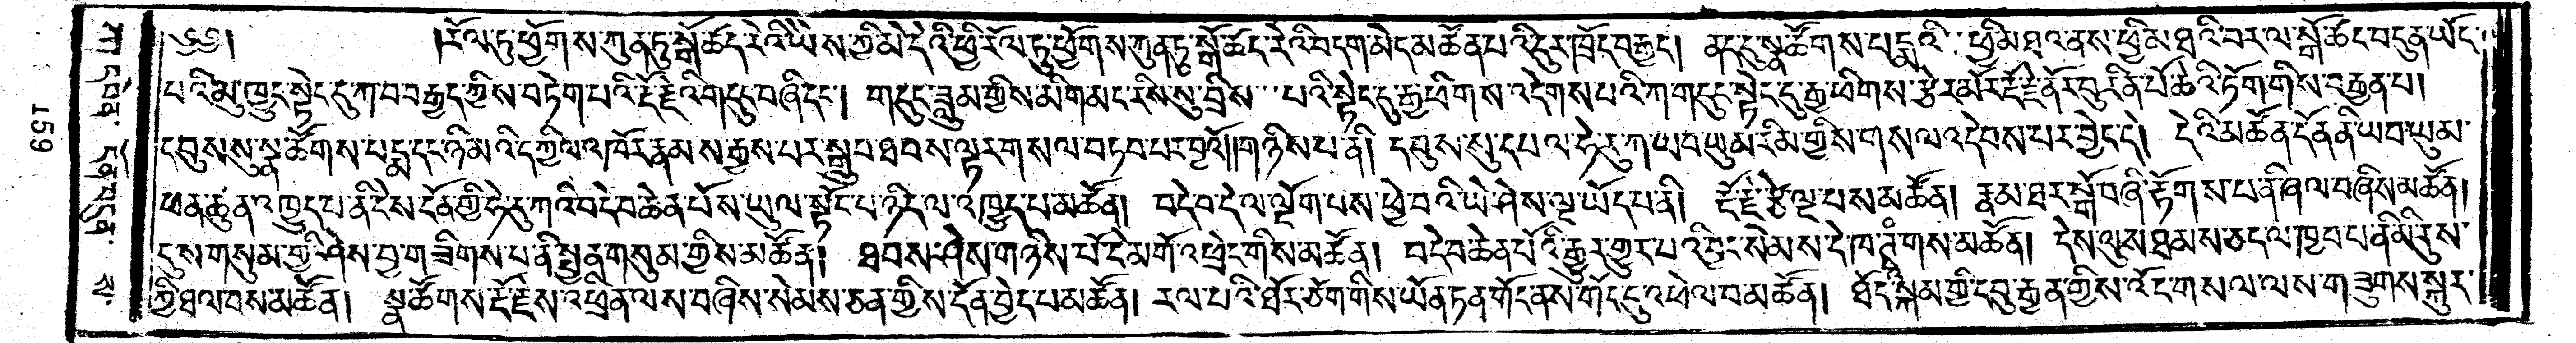༄༅། །རོལ་ཏུ་ཕྱོགས་ཀུན་ཏུ་སྒོ་ཚད་རེའི་ཡེས་ཀྱི་མེ་དེའི་ཕྱི་རོལ་ཏུ་ཕྱོགས་ཀུན་ཏུ་སྒོ་ཚད་རེའི་བདག་མེད་མཚོན་པའི་དུར་ཁྲོད་བརྒྱད། ནད་དུ་སྣ་ཚོགས་པདམའི་ཕྱི་མཐའ་ནས་ཕྱི་མཐའི་བར་ལ་སྒོ་ཚང་བདུན་ཡོང་
པའི་མུ་ཁྱུང་སྟེང་དུ་ཀ་བ་བརྒྱད་ཀྱིས་བཏེག་པའི་རྡོ་རྗེའི་གདུང་བཞི་དང་། གདུང་ཟླུམ་གྱིས་མིག་མང་རིས་སུ་བྲིས་པའི་སྟེང་དུ་རྒྱ་ཕིགས་འདེགས་པའི་ཀ་གདུང་སྟེང་དུ་རྒྱ་ཕིགས་རྩེར་མོར་རྡོ་རྗེ་ནོར་བུ་རིན་པོ་ཆེའི་ཏོག་གིས་བརྒྱན་པ།
དབུས་སུ་སྣ་ཚོགས་པདམ་དང་ཉི་མའི་དཀྱིལ་འཁོར་རྣམས་རྒྱས་པར་སྒྲུབ་ཐབས་ལྟར་གསལ་བཏབ་པར་བྱའོ། །གཉིས་པ་ནི། དབུས་སུ་དཔལ་ཧེ་རུ་ཀ་ཡབ་ཡུམ་རིམ་གྱིས་གསལ་འདེབས་པར་བྱེད་དེ། དེའི་མཚོན་དོན་ནི་ཡབ་ཡུམ་
ཕན་ཚུན་འཁྱུད་པ་ནི་དེས་དོན་གྱི་ཧེ་རུ་ཀའི་བདེ་བ་ཆེན་པོས་ཡུལ་སྟོང་པ་ཉིད་ལ་འཁྱུད་པ་མཚོན། བདེ་བ་དེ་ལ་ལྡོག་པས་ཕྱེ་བའི་ཡེ་ཤེས་ལྔ་ཡོད་པ་ནི། རྡོ་རྗེ་རྩེ་ལྔ་པས་མཚོན། རྣམ་ཐར་སྒོ་བཞི་རྟོགས་པ་ནི་ཞལ་བཞིས་མཚོན།
དུས་གསུམ་གྱི་ཤེས་བྱ་གཟིགས་པ་ནི་སྤྱན་གསུམ་གྱིས་མཚོན། ཐབས་ཤེས་གཉིས་པོ་དེ་མགོ་འཕྲེང་གིས་མཚོན། བདེ་བ་ཆེན་པོའི་རྒྱུར་གྱུར་པའི་བྱང་སེམས་དེ་ཁ་ཊྭཱཾ་གས་མཚོན། དེས་ལུས་ཐམས་ཅད་ལ་ཁྱབ་པ་ནི་མི་རུས་
ཀྱི་ཐལ་བས་མཚོན། སྣ་ཚོགས་རྡོ་རྗེས་འཕྲིན་ལས་བཞིས་སེམས་ཅན་གྱིས་དོན་བྱེད་པ་མཚོན། རལ་པའི་ཐོར་ཅོག་གིས་ཡོན་ཏན་གོང་ནས་གོང་དུ་འཕེལ་བ་མཚོན། ཐོད་སྐམ་གྱི་དབུ་རྒྱན་གྱིས་འོད་གསལ་ལས་གཟུགས་སྐུར་